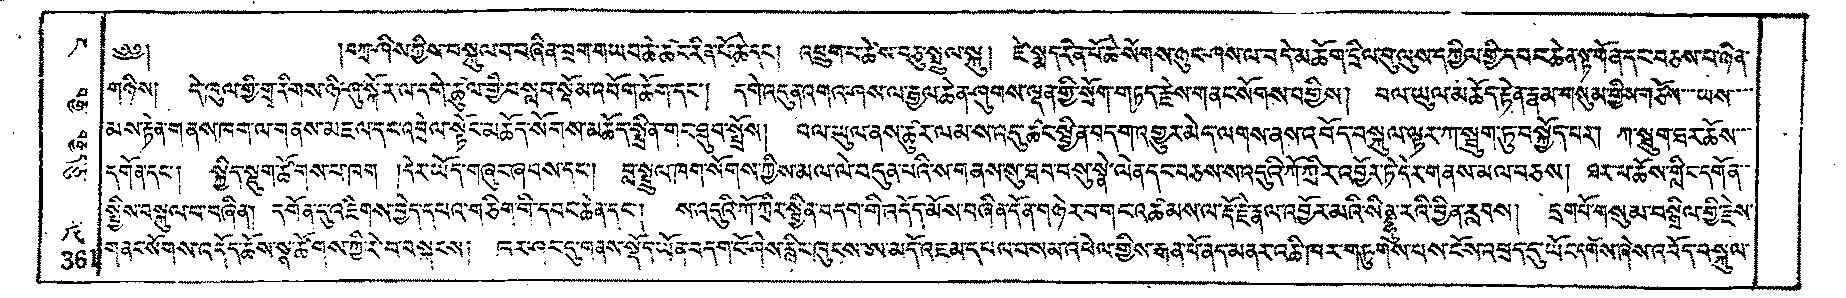༄༅། །བཀྲ་ཤིས་ཀྱིས་བསྐུལ་བ་བཞིན་བྲག་གཡབ་ཆེ་ཚང་རིན་པོ་ཆེ་དང་། འབྲུག་པ་ཚེས་བཅུ་སྤྲུལ་སྐུ། ཛེ་སྨད་རིན་པོ་ཆེ་སོགས་ཉུང་ཤས་ལ་བདེ་མཆོག་དྲིལ་བུ་ལུས་དཀྱིལ་གྱི་དབང་ཆེན་སྟ་གོན་དང་བཅས་པ་ཉིན་
གཉིས། དེ་ཁུལ་གྱི་གྲྭ་རིགས་ཉི་ཤུ་སྐོར་ལ་དགེ་ཚུལ་གྱི་བསླབ་སྡོམ་འབོག་ཆོག་དང་། དགེ་འདུན་འགའ་ཤས་ལ་རྒྱལ་ཆེན་ཤུགས་ལྡན་གྱི་སྲོག་གཏད་རྗེས་གནང་སོགས་བགྱིས། བལ་ཡུལ་མཆོད་རྟེན་རྣམ་གསུམ་གྱིས་གཙོས་ཡས་
མས་རྟེན་གནས་ཁག་ལ་གནས་མཇལ་དང་འབྲེལ་སྟོང་མཆོད་སོགས་མཆོད་སྤྲིན་གང་ཐུབ་སྤྲོས། བལ་ཡུལ་ནས་ཚུར་ལམ་ས་འདུ་ཚང་སྦྱིན་བདག་འགྱུར་མེད་ལགས་ནས་འབོད་བསྐུལ་ལྟར་ཀ་སྦུག་ཏུ་བསྐྱོད་པར། ཀ་སྦུག་ཐར་ཆོས་
དགོན་དང་། སྐྱིད་སྡུག་ཚོགས་པ་ཁག །དེར་ཡོད་གཞུང་ཞབས་དང་། བླ་སྤྲུལ་ཁག་སོགས་ཀྱིས་མལ་ལེ་བདུན་པའི་ས་གནས་སུ་ཐབ་བསུ་སྣེ་ལེན་དང་བཅས་ས་འདུའི་ཀོ་ཀྲིར་འབྱོར་ཏེ་དེར་གནས་མལ་བཅས། ཐར་པ་ཆོས་གླིང་དགོན་
སྤྱིས་བསྐུལ་བ་བཞིན། དགོན་དུ་འཇིགས་བྱེད་དཔའ་གཅིག་གི་དབང་ཆེན་དང་། ས་འདུའི་ཀོ་ཀྲིར་སྦྱིན་བདག་གི་འདོད་མོས་བཞིན་དོན་གཉེར་བ་གང་འཚམས་ལ་རྡོ་རྗེ་རྣལ་འབྱོར་མའི་སིནྡྷུ་རའི་བྱིན་རླབས། དྲག་པོ་གསུམ་བསྒྲིལ་གྱི་རྗེས་
གནང་སོགས་འདོད་ཆོས་སྣ་ཚོགས་ཀྱི་རེ་བ་བསྐངས། ཁར་ཤང་དུ་གནས་སྡོད་ཡོན་བདག་ངོ་ཤེས་རྙིང་ཁུངས་ཨ་མདོ་འཇམ་དཔལ་བསམ་འཕེལ་གྱིས་རྒན་པོ་ནད་མནར་འཆི་ཁར་གཏུགས་པས་ངོས་འཕྲད་དུ་ཡོང་དགོས་ཞེས་འབོད་བསྐུལ་